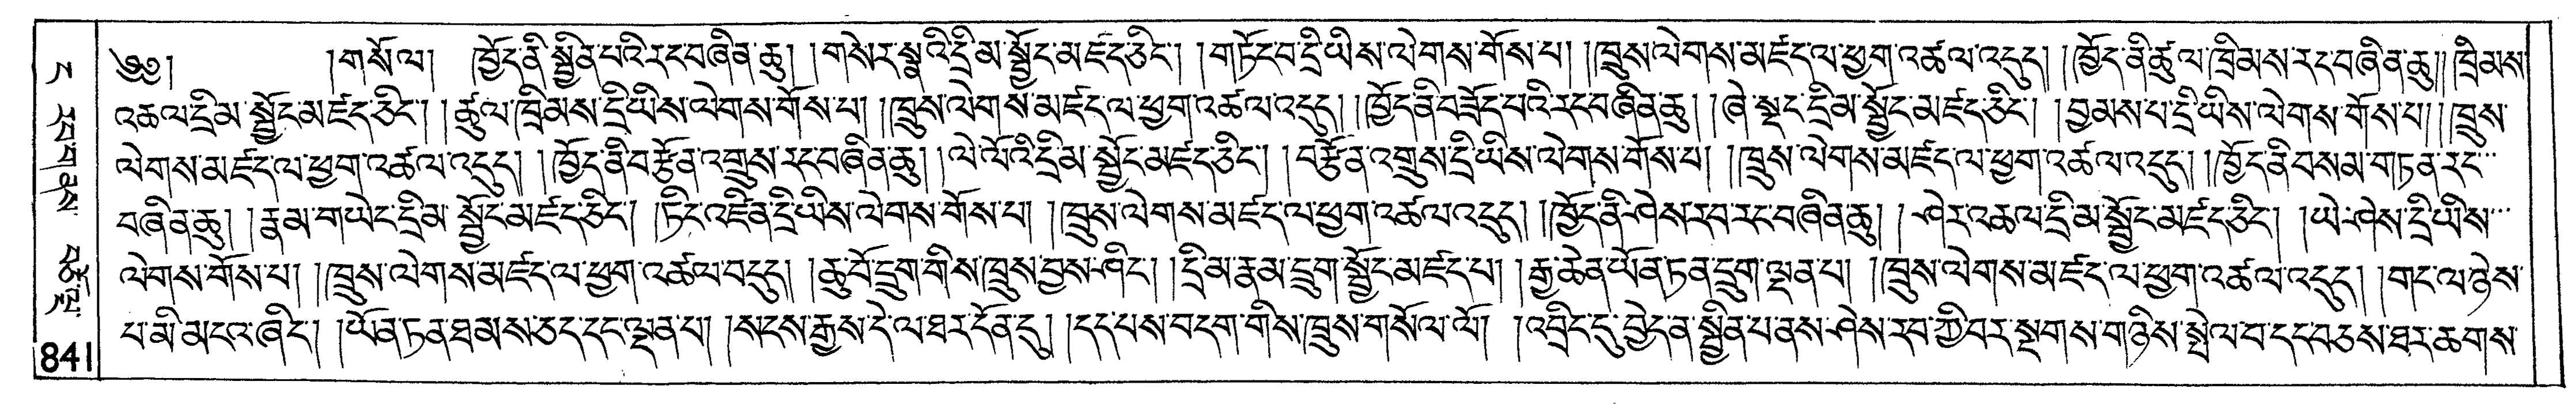༄༅། །གསོལ། ཁྱོད་ནི་སྦྱིན་པའི་རང་བཞིན་ཆུ། །གསེར་སྣའི་དྲི་མ་སྦྱོང་མཛད་ཅིང་། །གཏོང་བ་དྲི་ཡིས་ལེགས་གོས་པ། །ཁྲུས་ལེགས་མཛད་ལ་ཕྱག་འཚལ་འདུད། །ཁྱོད་ནི་ཚུལ་ཁྲིམས་རང་བཞིན་ཆུ། །ཁྲིམས་
འཆལ་དྲི་མ་སྦྱོང་མཛད་ཅིང་། །ཚུལ་ཁྲིམས་དྲི་ཡིས་ལེགས་གོས་པ། །ཁྲུས་ལེགས་མཛད་ལ་ཕྱག་འཚལ་འདུད། །ཁྱོད་ནི་བཟོད་པའི་རང་བཞིན་ཆུ། །ཞེ་སྡང་དྲི་མ་སྦྱོང་མཛད་ཅིང་། །བྱམས་པ་དྲི་ཡིས་ལེགས་གོས་པ། །ཁྲུས་
ལེགས་མཛད་ལ་ཕྱག་འཚལ་འདུད། །ཁྱོད་ནི་བརྩོན་འགྲུས་རང་བཞིན་ཆུ། །ལེ་ལོའི་དྲི་མ་སྦྱོང་མཛད་ཅིང་། །བརྩོན་འགྲུས་དྲི་ཡིས་ལེགས་གོས་པ། །ཁྲུས་ལེགས་མཛད་ལ་ཕྱག་འཚལ་འདུད། །ཁྱོད་ནི་བསམ་གཏན་རང་
བཞིན་ཆུ། །རྣམ་གཡེང་དྲི་མ་སྦྱོང་མཛད་ཅིང་། །ཏིང་འཛིན་དྲི་ཡིས་ལེགས་གོས་པ། །ཁྲུས་ལེགས་མཛད་ལ་ཕྱག་འཚལ་འདུད། །ཁྱོད་ནི་ཤེས་རབ་རང་བཞིན་ཆུ། །ཤེར་འཆལ་དྲི་མ་སྦྱོང་མཛད་ཅིང་། །ཡེ་ཤེས་དྲི་ཡིས་
ལེགས་གོས་པ། །ཁྲུས་ལེགས་མཛད་ལ་ཕྱག་འཚལ་བདུད། །ཆུ་བོ་དྲུག་གིས་ཁྲུས་བྱས་ཤིང་། །དྲི་མ་རྣམ་དྲུག་སྦྱོང་མཛད་པ། །རྒྱ་ཆེན་ཡོན་ཏན་དྲུག་ལྡན་པ། །ཁྲུས་ལེགས་མཛད་ལ་ཕྱག་འཚལ་འདུད། །གང་ལ་ཉེས་
པ་མི་མངའ་ཞིང་། །ཡོན་ཏན་ཐམས་ཅད་དང་ལྡན་པ། །སངས་རྒྱས་དེ་ལ་ཐར་དོན་དུ། །དད་པས་བདག་གིས་ཁྲུས་གསོལ་ལོ། །འབྲིང་དུ་བྱེད་ན་སྦྱིན་པ་ནས་ཤེས་རབ་ཀྱི་བར་སྔགས་གཉིས་སྤེལ་བ་དང་བཅས་ཐར་ཆགས་